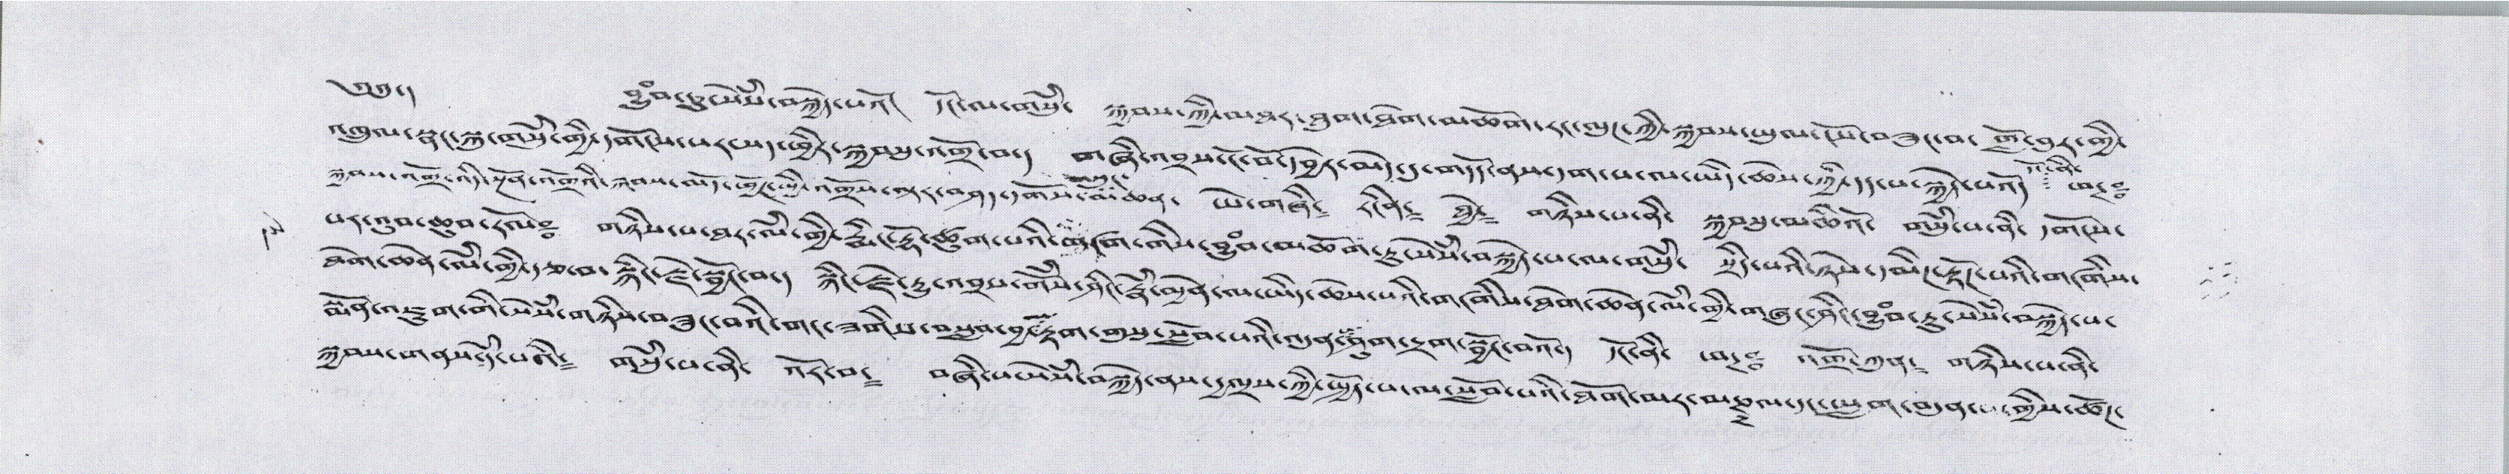བྱང་ཆུབ་ཏུ་སེམས་བསྐྱེད་པའོ། དང་པོ་ལ་གསུམ། སྐྱབས་ཀྱི་མཐར་ཐུག་ཐེག་མཆོག་རང་ལུགས་ཀྱི་སྐྱབས་ཡུལ་ངོས་བཟུང་བ། གློ་བུར་གྱི་
འཁྲུལ་སྣང་སྐུ་གསུམ་གྱི་དགོངས་པར་སད་ཕྱིར་སྐྱབས་སུ་འགྲོ་བ། གཞི་འབྲས་ངོ་བོ་དབྱེར་མེད་དུ་གདོད་ནས་དག་པ་ལ་ཡིད་ཆེས་ཀྱི་དད་པ་བསྐྱེད་པའོ། དང་པོ་ནི། ཕཊཿ ༼
སྐྱབས་འགྲོ་འདི་སྔོན་འགྲོའི་སྐབས་མདོ་ཕྱོགས་ཀྱི་འགྲོས་ལྟར་བཤད་དགོས་གསུངས། མཆན།༽ཡེ་གཞི༑ རང་བཞིན༑ ཐུགས་རྗེ༑ གཉིས་པ་ནི། སྐྱབས་སུ་འཆིའོ༑ གསུམ་པ་ནི་དགོངས་
པར་འུབས་ཆུབ་རོལ། གཉིས་པ་ནི། ཐར་ལམ་གྱི་རྨེང་རྡོ་ཚུགས་པའི་གང་ཟག་གིས་བྱང་ཆུབ་མཆོག་ཏུ་སེམས་བསྐྱེད་པ་ལ་གསུམ། སྲིད་པའི་ཉེས་དམིགས་རྟོགས་པའི་གང་ཟག་གིས་
ཐེག་ཆེན་ལམ་གྱི་རྩ་བ་སྙིང་རྗེ་སྦྱོང་བ། སྙིང་རྗེ་རྒྱུ་འབྲས་གོམས་ཤིང་རྣམ་མཁྱེན་ལ་ཡིད་ཆེས་པའི་གང་ཟག་གིས་ཐེག་ཆེན་ལམ་གྱི་གཞུང་ཤིང་བྱང་ཆུབ་ཏུ་སེམས་བསྐྱེད་པ། 
སྨོན་འཇུག་གི་སེམས་གཉིས་བཟུང་བའི་གང་ཟག་གིས་བསླབ་བྱ་ལ་རྟག་གུས་སུ་སློབ་པའི་འདུན་པ་ཤུགས་དྲག་སྦྱོང་བའོ། དང་པོ་ནི། ཕཊཿ འགྲོ་ཀུན༑ གཉིས་པ་ནི། 
སྐྱབས་གནས་དམ་པའི༑ གསུམ་པ་ནི། འཁོར་བ༑ བཞི་པ་སེམས་བསྐྱེད་ནས་རྒྱལ་སྲས་ཀྱི་སྤྱོད་པ་ལ་སློབ་པའི་ཐོག་མར་མཎྜལ་དང་ཡན་ལག་བདུན་གྱིས་ཚོགས་